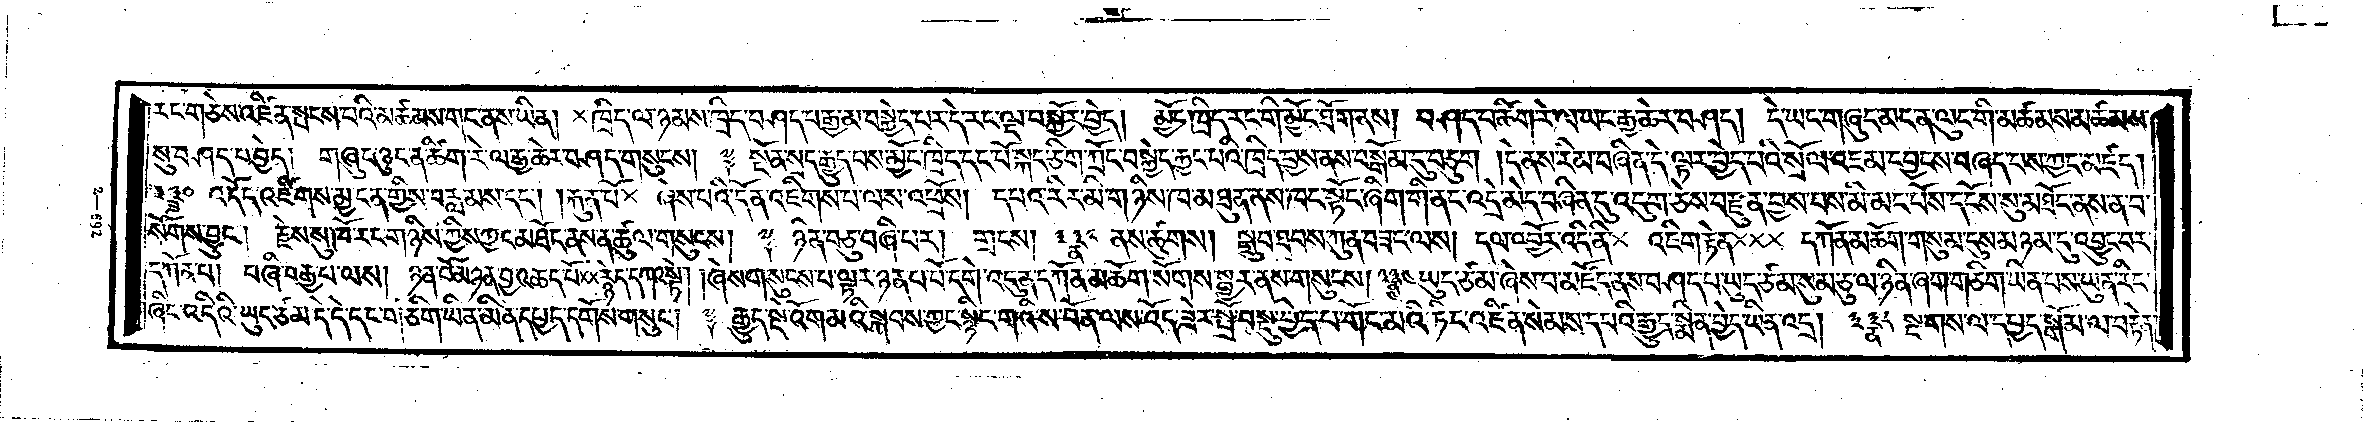རང་གཅེས་འཛིན་སྤངས་པའི་མཚམས་གང་ནས་ཡིན། ྾་ཁྲིད་ལ་ཉམས་ཁྲིད་བཤད་པ་རྒྱ་མ་བསྐྱེད་པར་དེ་རང་ལྔ་བསྐྱོར་བྱེད། མྱོང་ཁྲིད་རང་གི་མྱོང་ཐོག་ནས། བཤད་པ་ཚིག་རེ་ལ་ཡང་རྒྱ་ཆེར་བཤད། དེ་ཡང་གཞུང་མང་ན་ལུང་གི་མཚམས་མཚམས་
སུ་བཤད་པ་བྱེད། གཞུང་ཉུང་ན་ཚིག་རེ་ལ་རྒྱ་ཆེར་བཤད་གསུངས། ༈ སྔོན་སྲད་རྒྱུད་པས་མྱོང་ཁྲིད་དང་པོ་སྐད་ཅིག་ཀྲོང་བསྐྱེད་རྐྱང་པའི་ཁྲིད་བྱས་ནས་བསྒོམ་དུ་བཅུག །དེ་ནས་རིམ་བཞིན་དེ་ལྟར་བྱེད་པའི་སྲོལ་འཇམ་དབྱངས་བཞད་པས་ཀྱང་མཛད།
༣༣༠བ་འདོད་འཛོགས་མྱ་ངན་གྱིས་བརླམས་དང་། །རྐུན་པོ་྾་ཞེས་པའི་དོན་འཇིགས་པ་ལས་འཕྲོས། དཔའ་རིར་མི་གཉིས་ཁ་མཐུན་ནས་ཁང་སྟོང་ཞིག་གི་ནང་འདྲེ་མེད་བཞིན་དུ་འདུག་ཅེས་བརྫུན་བྱས་པས་མི་མང་པོས་དངོས་སུ་མཐོང་ནས་ན་བ་
སོགས་བྱང་། རྗེས་སུ་ཁོ་རང་གཉིས་ཀྱིས་ཀྱང་མཐོང་ནས་ན་ཚུལ་གསུངས། ༈ ཉིན་བཅུ་བཞི་པར། གྲངས། ༣༣༢ན་ནས་ཚུགས། སྒྲུབ་ཐབས་ཀུན་བཟང་ལས། དལ་འབྱོར་འདི་ནི་྾་ཇིག་རྟེན་྾྾྾་དཀོན་མཆོག་གསུམ་དུས་མཉམ་དུ་འབྱུང་བར་
དཀོན་པ། བཞི་བརྒྱ་བ་ལས། ཉན་པོ་མཉམ་བྱ་འཆད་པོ་྾྾་རྙེད་དཀའ་སྟེ། །ཞེས་གསུངས་པ་ལྟར་ཉན་པ་པོ་དགེ་འདུན་དཀོན་མཆོག་སོགས་སྦྱར་ནས་གསུངས། ༣༣༤ན༤་ཡུད་ཙམ་ཞེས་པ་མཛོད་ནས་བཤད་པ་ཡུད་ཙམ་སུམ་ཅུ་ལ་ཉིན་ཞག་གཅིག་ཡིན་པས་ཡུན་རིང་
ཞིང་འདིའི་ཡུད་ཙམ་དེ་དེ་དང་གཅིག་ཡིན་མིན་དཔྱད་དགོས་གསུང་། ༈ རྒྱུད་སྡེ་འོག་མའི་སྐབས་ཀྱང་སྙིང་གའི་ས་བོན་ལས་འོད་ཟེར་སྤྲོ་བསྡུ་བྱེད་པ་གོང་མའི་ཏིང་འཛིན་སེམས་དཔའི་རྒྱུད་སྨིན་བྱེད་ཡིན་འདྲ། ༣༣༨ན་སྔགས་ལ་དཔྱད་སྒོམ་ལ་བརྟེན་